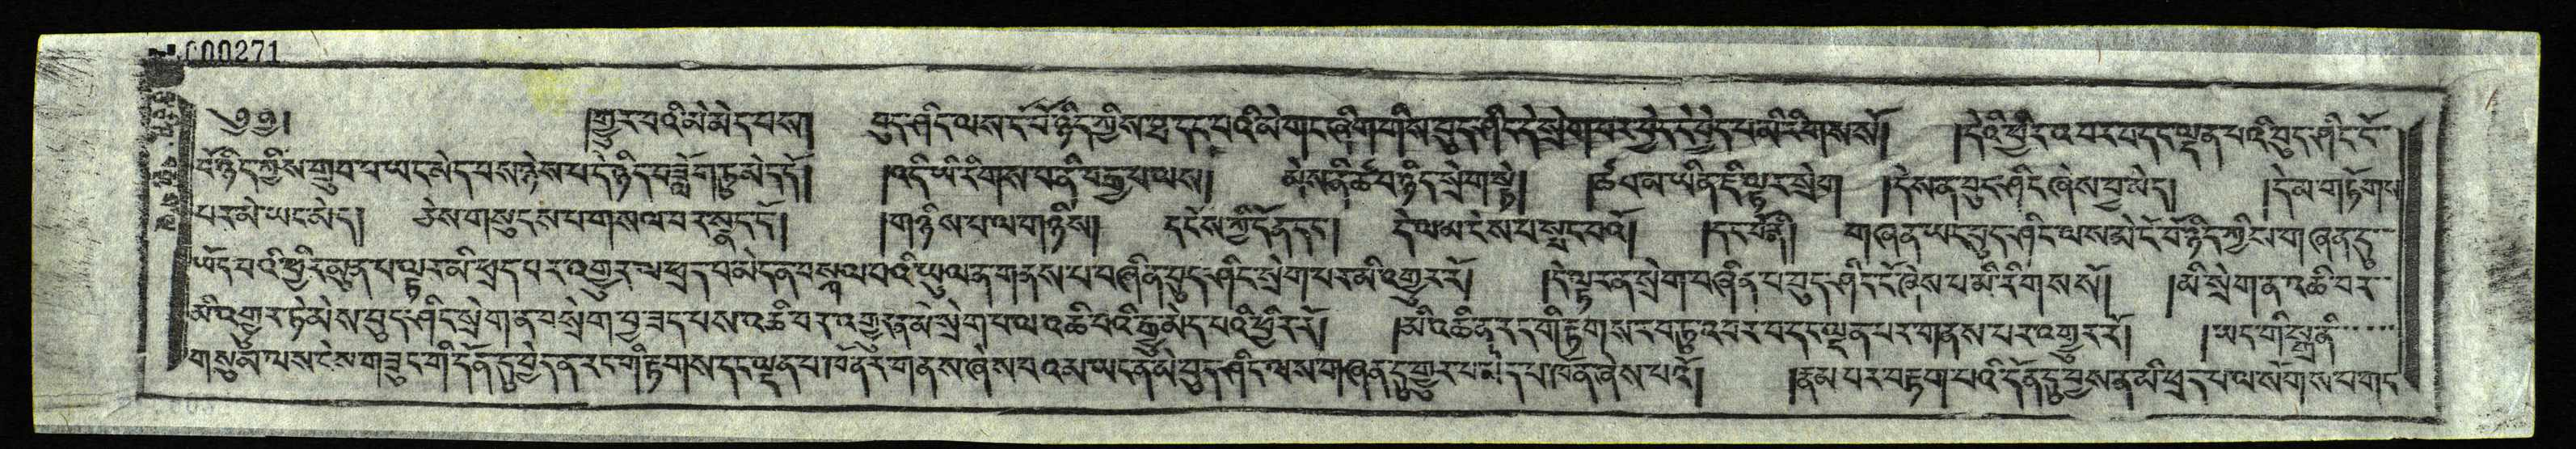༄༅། །གྱུར་བའི་མེ་མེད་པས། བུད་ཤིང་ལས་ངོ་བོ་ཉིད་ཀྱིས་ཐ་དད་པའི་མེ་གང་ཞིག་གིས་བུད་ཤིང་དེ་སྲེག་བར་བྱེད་དེ་བྱེད་པ་མི་རིགས་སོ། །དེའི་ཕྱིར་འབར་བ་དང་ལྡན་པའི་བུད་ཤིང་ངོ་
བོ་ཉིད་ཀྱིས་གྲུབ་པ་ཡང་མེད་པས་ཉེས་པ་དེ་ཉིད་བཟློག་ཏུ་མེད་དོ། །འདི་ཡི་རིགས་པ་ནི་བརྒྱ་པ་ལས། མེས་ནི་ཚ་བ་ཉིད་སྲེག་སྟེ། །ཚ་བ་མ་ཡིན་ཇི་ལྟར་སྲེག །དེས་ན་བུད་ཤིང་ཞེས་བྱ་མེད། །དེ་མ་གཏོགས་
པར་མེ་ཡང་མེད། ཅེས་གསུངས་པ་གསལ་བར་སྣང་ངོ། །གཉིས་པ་ལ་གཉིས། དངོས་ཀྱི་དོན་དང་། དེ་ལ་མ་ངེས་པ་སྤང་བའོ། །དང་པོ་ནི། གཞན་ཡང་བུད་ཤིང་ལས་མེ་ངོ་བོ་ཉིད་ཀྱིས་གཞན་དུ་
ཡོད་པའི་ཕྱིར་མུན་པ་ལྟར་མི་ཕྲད་པར་འགྱུར་ལ་ཕྲད་བ་མེད་ན་བསྐལ་པའི་ཡུལ་ན་གནས་པ་བཞིན་བུད་ཤིང་སྲེག་པར་མི་འགྱུར་རོ། །དེ་ལྟར་ན་སྲེག་བཞིན་པ་བུད་ཤིང་ངོ་ཞེས་པ་མི་རིགས་སོ། །མི་སྲེག་ན་འཆི་བར་
མི་འགྱུར་ཏེ་མེས་བུད་ཤིང་སྲེག་ན་བསྲེག་བྱ་ཟད་པས་འཆི་བར་འགྱུར་ན་མེ་སྲེག་པ་ལ་འཆི་བའི་རྒྱུ་མེད་པའི་ཕྱིར་རོ། །མི་འཆི་ན་རང་གི་རྟགས་རབ་ཏུ་འབར་བ་དང་ལྡན་པར་གནས་པར་འགྱུར་རོ། །ཡང་གི་སྒྲ་ནི་
གསུམ་ལས་ངེས་གཟུང་གི་དོན་དུ་བྱེད་ན་རང་གི་རྟགས་དང་ལྡན་པ་ཁོ་ནར་གནས་ཞེས་བའམ་ཡང་ན་མེ་བུད་ཤིང་ལས་གཞན་དུ་གྱུར་པ་མེད་པ་ཁོ་ན་ཞེས་པའོ། །རྣམ་པར་བརྟག་པའི་དོན་དུ་བྱས་ན་མི་ཕྲད་པ་ལ་སོགས་པ་གང་